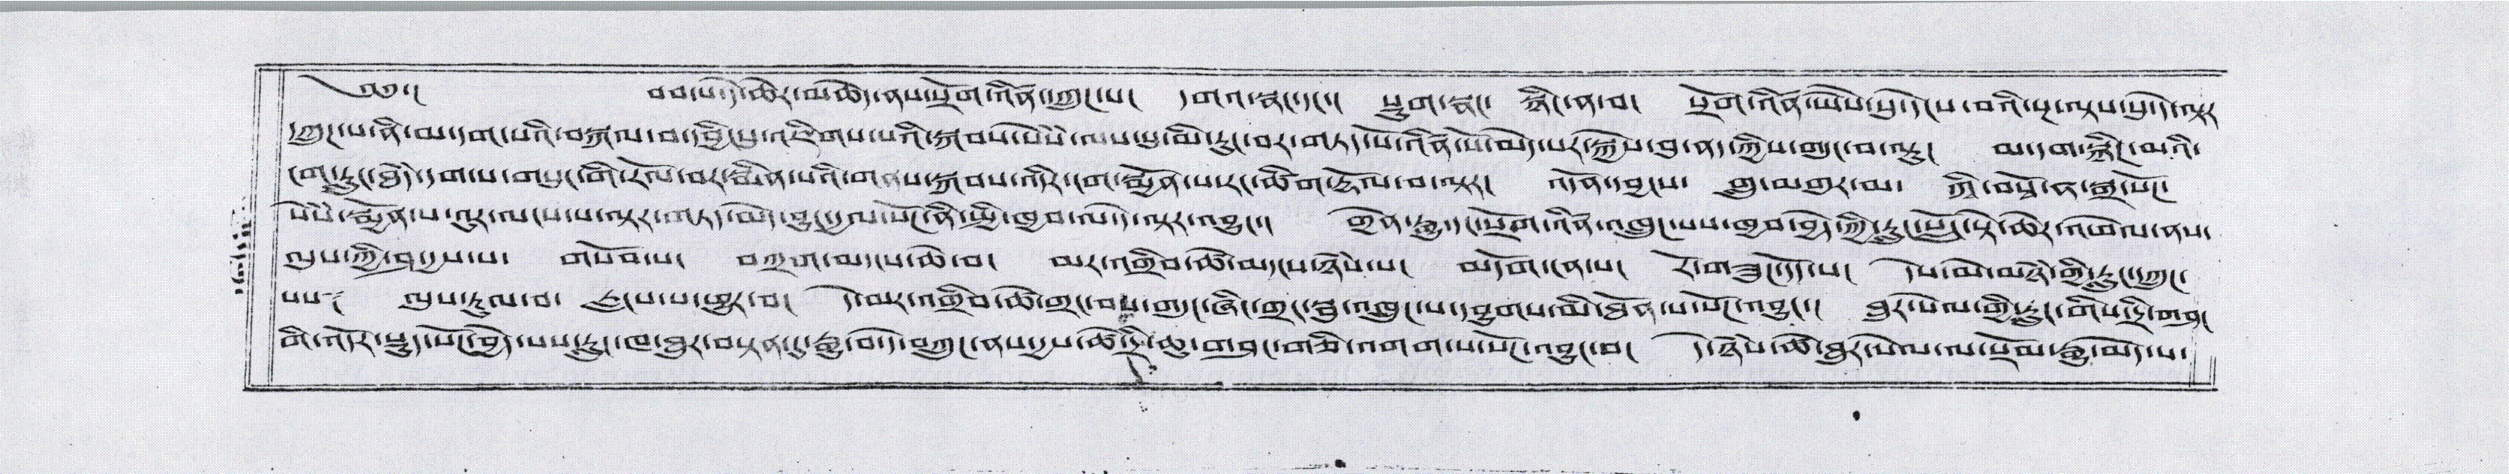བབ་པ་དེ་ཆེར་མཆེད་ནས་སྲོག་འཛིན་དཀྲུགས་པ། དགའ་སྣང་དང། སྡུག་སྣང། སྙིང་ན་བ། སྲོག་འཛིན་ཡེ་ཤེས་སུ་དེངས་བའི་སྔ་ལྟས་སུ་དེ་ལྟར་
དཀྲུགས་པ་ནི་མ་དག་པའི་བསྐལ་པ་དབྱིངས་སུ་འཇིགས་པའི་སྐབས་སེམས་ལས་སུ་མི་རུང་བར་གཏད་སོ་འཛིན་སོ་མེད་པར་སྐྱེས་བུ་ནད་ཀྱིས་གདུང་བ་ལྟ་བུ། མ་དག་སྙིགས་མའི་
ངག་རླུང་ཐམས་ཅད་དག་པ་གསུང་གི་རོལ་བར་སྨིན་པའི་གནས་སྐབས་འདིར་དག་སྨྱོན་པ་རང་ཚིག་འདོལ་བ་ལྟར། འདོན་དབྱངས། གླུ་མགུར་མ། ཀྭི་བསྭོ་ཧ་སྒྲ་སོགས་
སེམས་སྨྱོན་པ་འུར་ལངས་པ་ལྟར་གཏད་མེད་བྱུང་རྒྱལ་སོགས་ནི་སྤྱི་ཁྱབ་ལ་དེ་ལྟར་འབྱུང། གྱེན་རྒྱུ་དང་སྲོག་འཛིན་འཁྲུགས་པས་ཁྱབ་བྱེད་ཀྱི་རླུང་སློང་སྟེ་ཆེར་འཕེལ་ནས་
ལུས་ཀྱི་ཤ་རྒྱས་པ། གསོབ་པ། བཀྲག་མདངས་ཆེ་བ། མར་འགྲིབ་ཚེ་མདངས་ཉམས་པ། མདོག་ངན་པ། རོ་གཟུགས་དོད་པ། དེས་མེ་མཉམ་གྱི་རླུང་དཀྲུགས་
པས། ལུས་རྔུལ་བ། རླངས་པ་ཕྱུར་བ། དེ་མར་འགྲིབ་ཚེ་གྲང་བས་གདུང་ཞིང་དགྲང་སྦུ་འཁྲུགས་པ་དབྱུགས་མི་ཐོན་པ་སོགས་འབྱུང། ཐུར་སེལ་གྱི་རླུང་གིས་དྲི་གཤང་
གི་འདོར་སྡུད་སོགས་བྱེད་པས་རླུང་ཁ་ཐུར་བསྟན་དུ་རྒྱུ་བ་དེ་བཀྲུགས་ནས་རྒྱས་ཚེ་དྲི་ཆུ་གཤང་གཅི་འགག་པ་སོགས་འབྱུང་བ། དེ་ཉམས་ཚེ་ཐུར་སེལ་ལ་སྡོམ་རྒྱུ་མེད་པ་